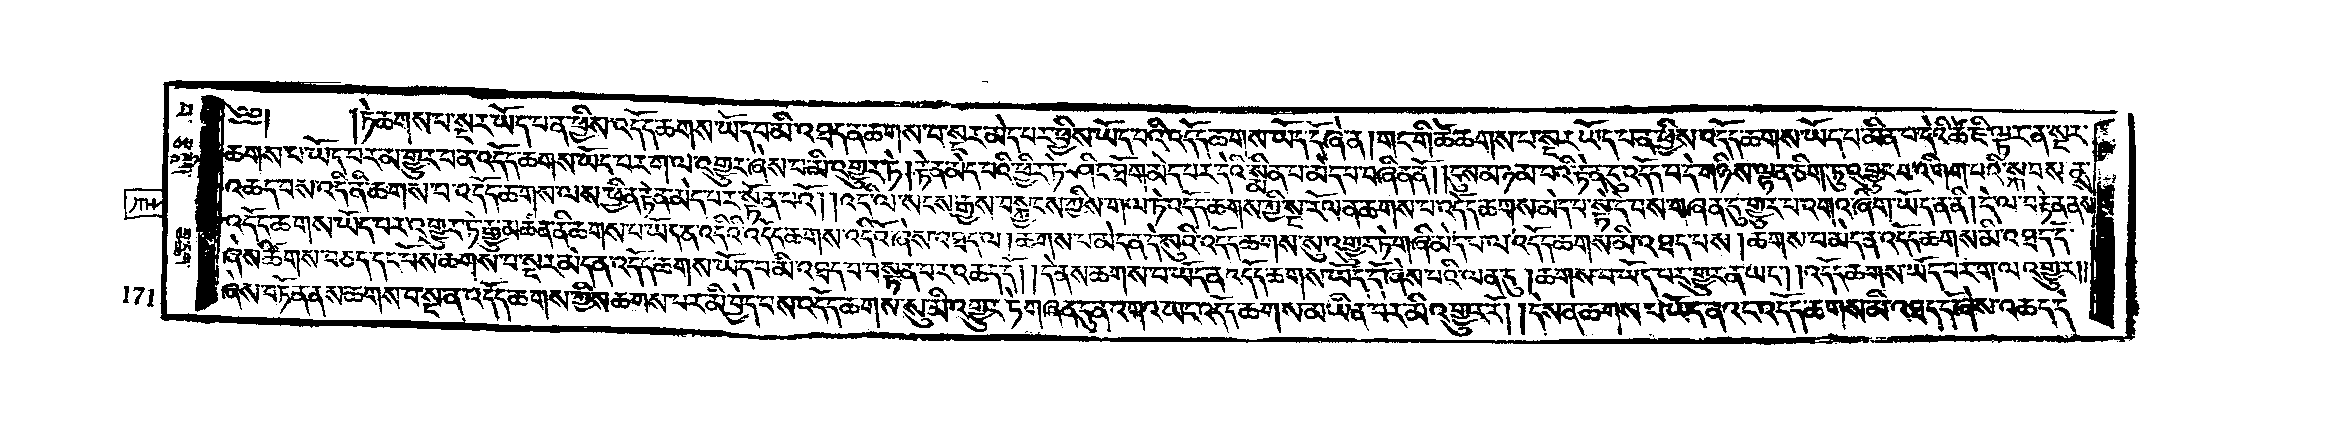༄༅། །ཏེ་ཆགས་པ་སྔར་ཡོད་པ་ན་ཕྱིས་འདོད་ཆགས་ཡོད་པ་མི་འཐད་ན་ཆགས་པ་སྔར་མེད་པར་ཕྱིས་ཡོད་པའི་འདོད་ཆགས་ཡོད་དོ་ཞེ་ན། གང་གི་ཚེ་ཆགས་པ་སྔར་ཡོད་པ་ན་ཕྱིས་འདོད་ཆགས་ཡོད་པ་མིན་པ་དེའི་ཚེ་ཇི་ལྟར་ན་སྔར་
ཆགས་པ་ཡོད་པར་མ་གྱུར་པ་ན་འདོད་པ་ཆགས་ཡོད་པར་ག་ལ་འགྱུར་ཞེས་པ་མ་འགྱུར་ཏེ། རྟེན་མེད་པའི་ཕྱིར་ཏེ་ཤིང་ཐོག་མེད་པར་དེའི་སྨིན་པ་མེད་པ་བཞིན་ནོ། །དུས་མཉམ་པའི་རྟེན་དུ་འདོད་པ་དེ་གཉིས་ལྷན་ཅིག་ཏུ་འབྱུང་བ་འགོག་པའི་སྐབས་ནས་
འཆད་པས་འདི་ནི་ཚིག་པ་འདོད་ཆགས་ལས་ཕྱིན་རྟེན་མེད་པར་སྟོན་པའོ། །འདི་ལ་སངས་རྒྱས་བསྐྱངས་ཀྱིས་གལ་ཏེ་འདོད་ཆགས་ཀྱི་སྔ་རོལ་ན་ཆགས་པ་འདོད་ཆགས་མེད་པ་སྟེ་དེ་བས་གཞན་དུ་གྱུར་པ་འགའ་ཞིག་ཡོད་ན་ནི། །དེ་ལ་བརྟེན་ནས་
འདོད་ཆགས་ཡོད་པར་འགྱུར་ཏེ་རྒྱུ་མཚན་ནི་ཆགས་པ་ཡོད་ན་འདིའི་འདོད་ཆགས་འདེའོ་ཞེས་འཐད་ལ། ཆགས་པ་མེད་ན་དེ་སུའི་འདོད་ཆགས་སུ་འགྱུར་ཏེ་གཞི་མེད་པ་ལ་འདོད་ཆགས་མི་འཐད་པས། ཚིག་བ་མེད་ན་འདོད་ཆགས་མི་འཐད་དོ་
ཞེས་ཚིགས་བཅད་དང་པོས་ཆགས་པ་སྔར་མེད་ན་འདོད་ཆགས་ཡོད་པ་མི་འཐད་པ་བསྟན་པར་འཆད་དོ། །དེ་ནས་ཆགས་པ་སྤྱོད་ན་འདོད་ཆགས་ཡོད་དོ་ཞེས་པའི་ལན་དུ། ཆགས་པ་ཡོད་པར་གྱུར་ན་ཡང་། །འདོད་ཆགས་ཡོད་པར་ག་ལ་འགྱུར།།
ཞེས་བཏོན་ནས་ཆགས་བ་སྔ་ན་འདོད་ཆགས་ཀྱིས་ཆགས་པར་མི་བྱེད་པས་འདོད་ཆགས་སུ་མི་འགྱུར་གཏེ་གཞན་དུ་ན་འགའ་ཡང་འདོད་ཆགས་མ་ཡིན་པར་མི་འགྱུར་རོ། །དེས་ན་ཆགས་པ་ཡོད་ནའང་འདོད་ཆགས་མི་འཐད་དོ་ཞེས་འཆད་དེ་